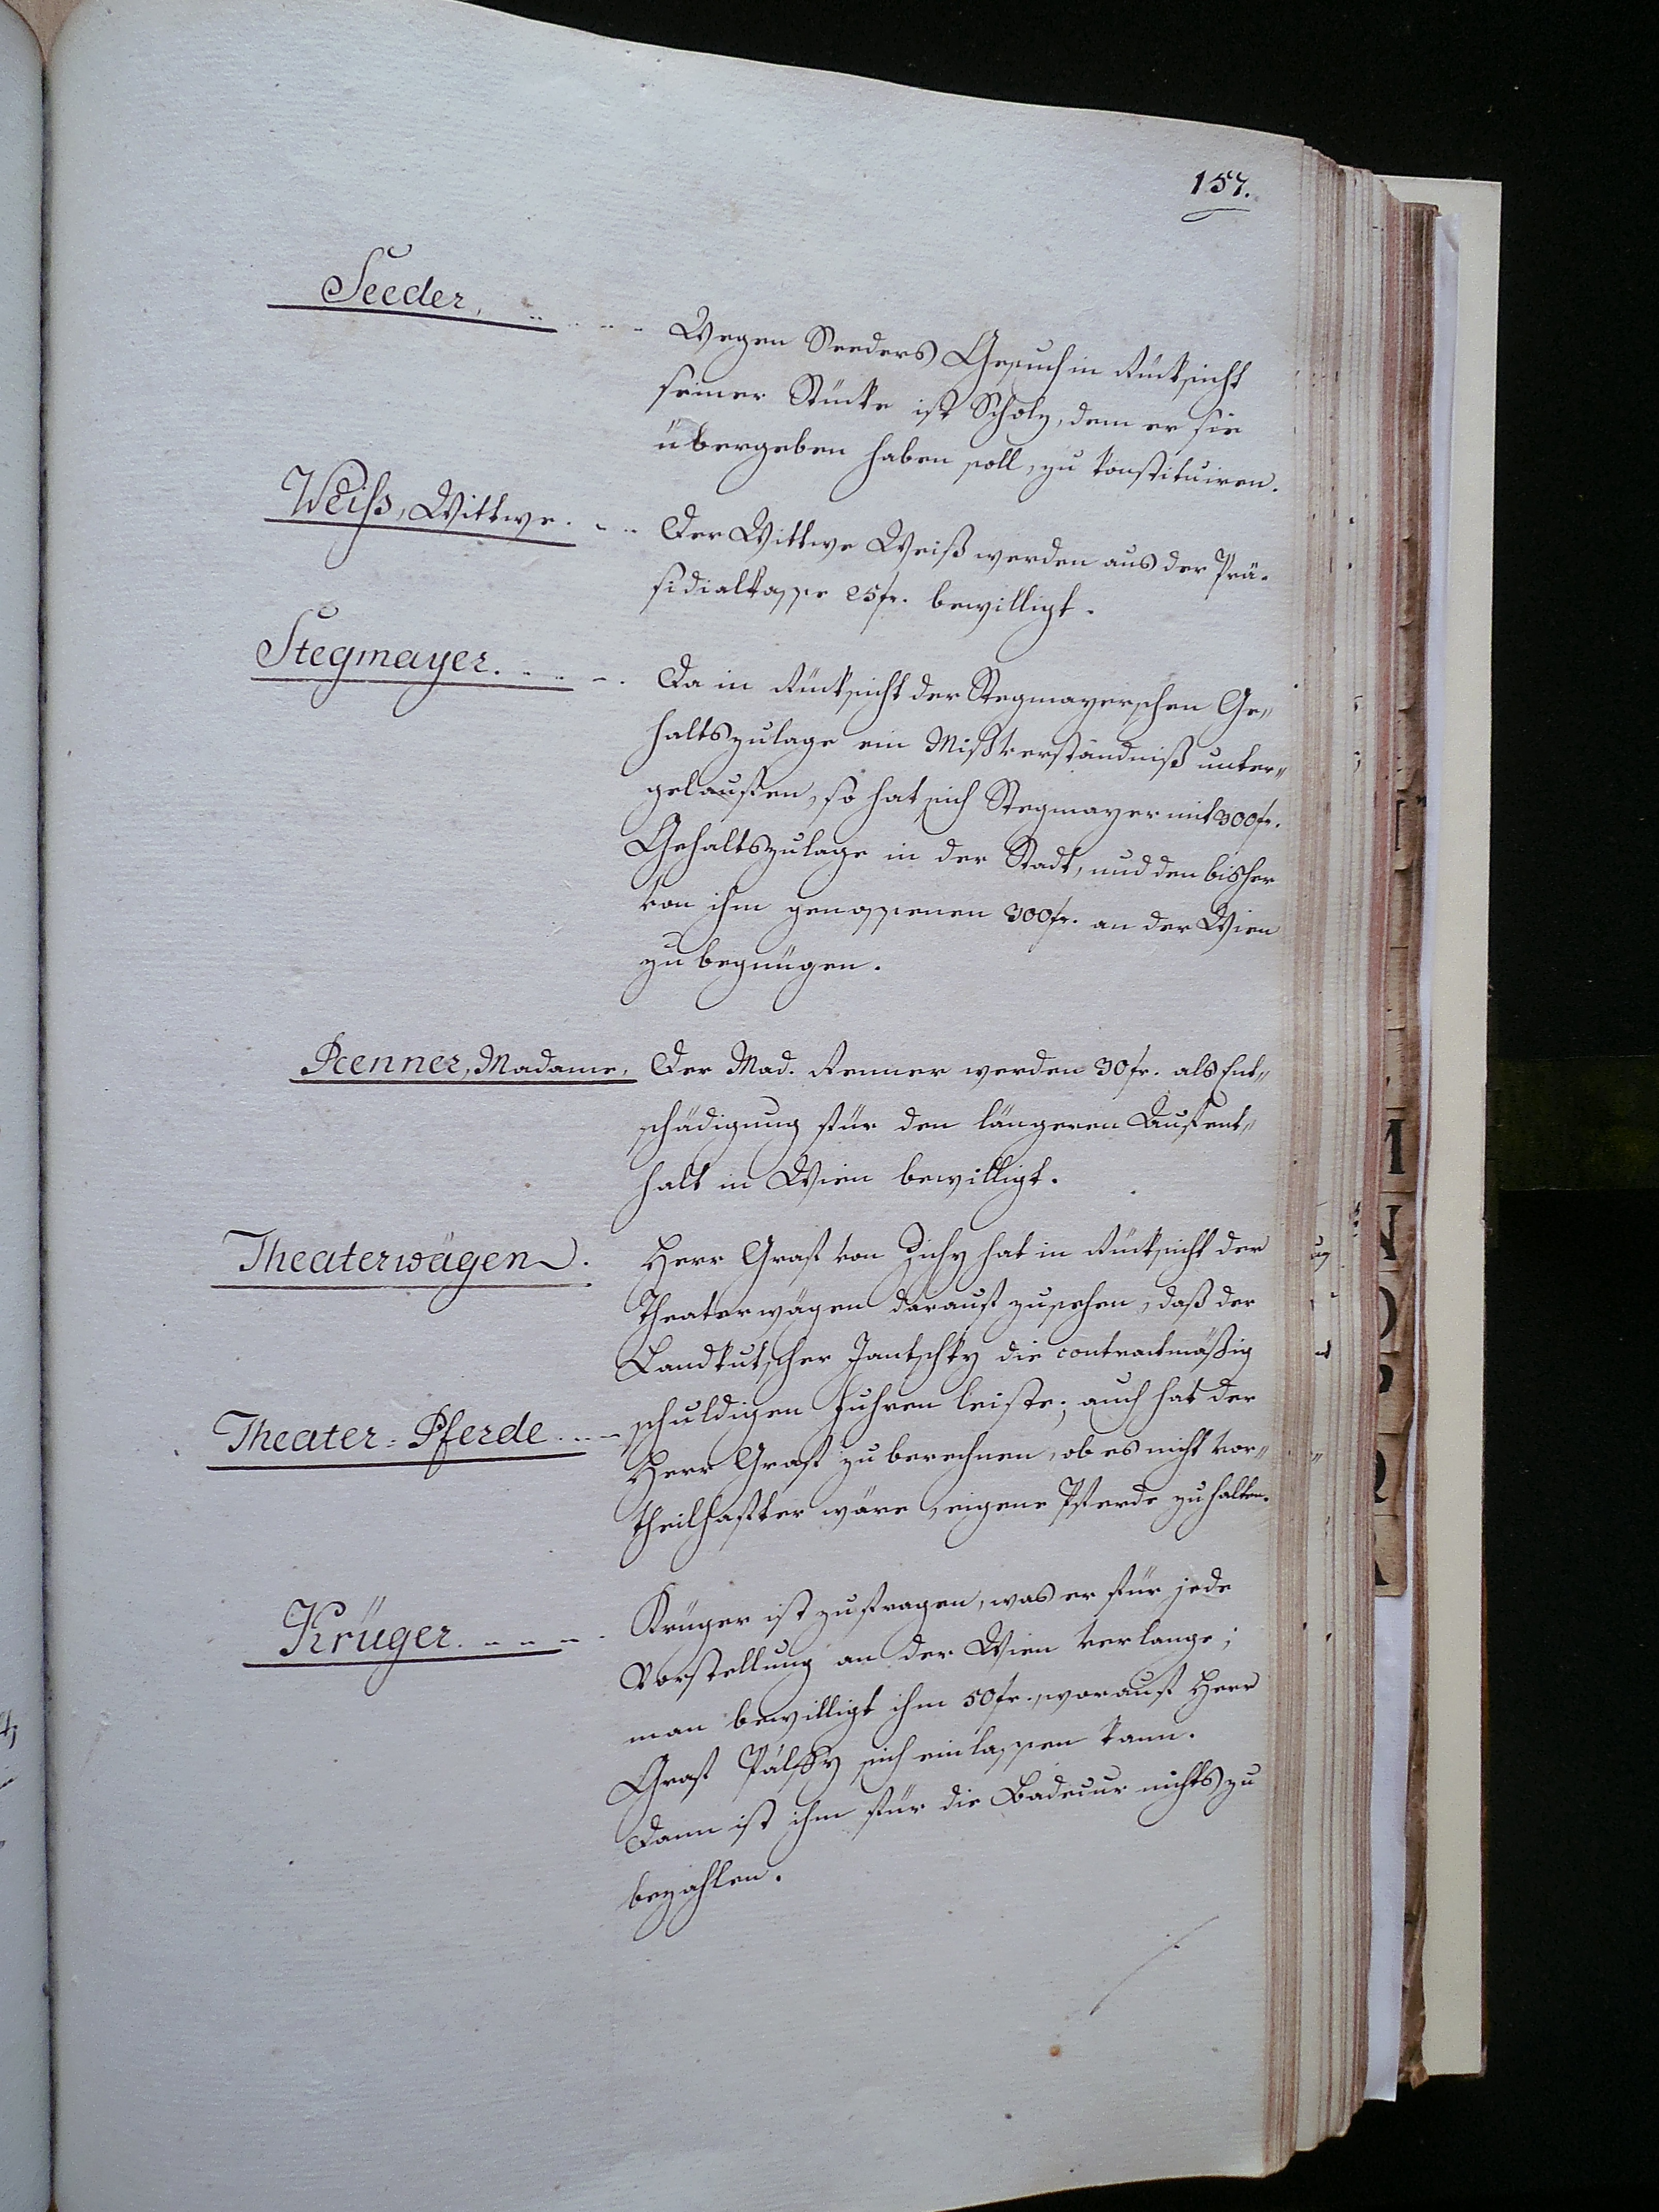157.
Seeder. .. .. .. .. Wegen Seeders Gesuch in Rüksicht
seiner Stücke ist Scholz, dem er sie
übergeben haben soll, zu konstituiren.
Weihs, Wittwe. .. .. Der Witwe Weiß werden aus der Prä¬
sidialkasse 25fr. bewilligt.
Stegmayer. .. .. .. . Da in Rücksicht der Stegmayerschen Ge¬
haltszulage ein Mißverständniß unter¬
gelaufen, so hat sich Stegmayer mit 300fr.
Gehaltszulage in der Stadt, und den bisher
von ihm genossenen 300fr. an der Wien
zu begnügen.
Renner, Madame. Der Mad. Renner werden 30fr. als Ent¬
schädigung für den längeren Aufent¬
halt in Wien bewilligt.
Theaterwägen. Herr Graf von Zichy hat in Rücksicht der
Theaterwägen darauf zusehen, daß der
Landkutscher Jantschky die contractmäßig
Theater=Pferde. . . . . schuldigen Fuhren leiste; auch hat der
Herr Graf zu berechnen, ob es nicht vor¬
theilhafter wäre, eigene Pferde zu halten.
Krüger. .. .. .. . Krüger ist zu fragen, was er für jede
Vorstellung an der Wien verlange;
man bewilligt ihm 50fr., worauf Herr
Graf Pálffy sich einlassen kann.
Dann ist ihm für die Badecur nichts zu
bezahlen.